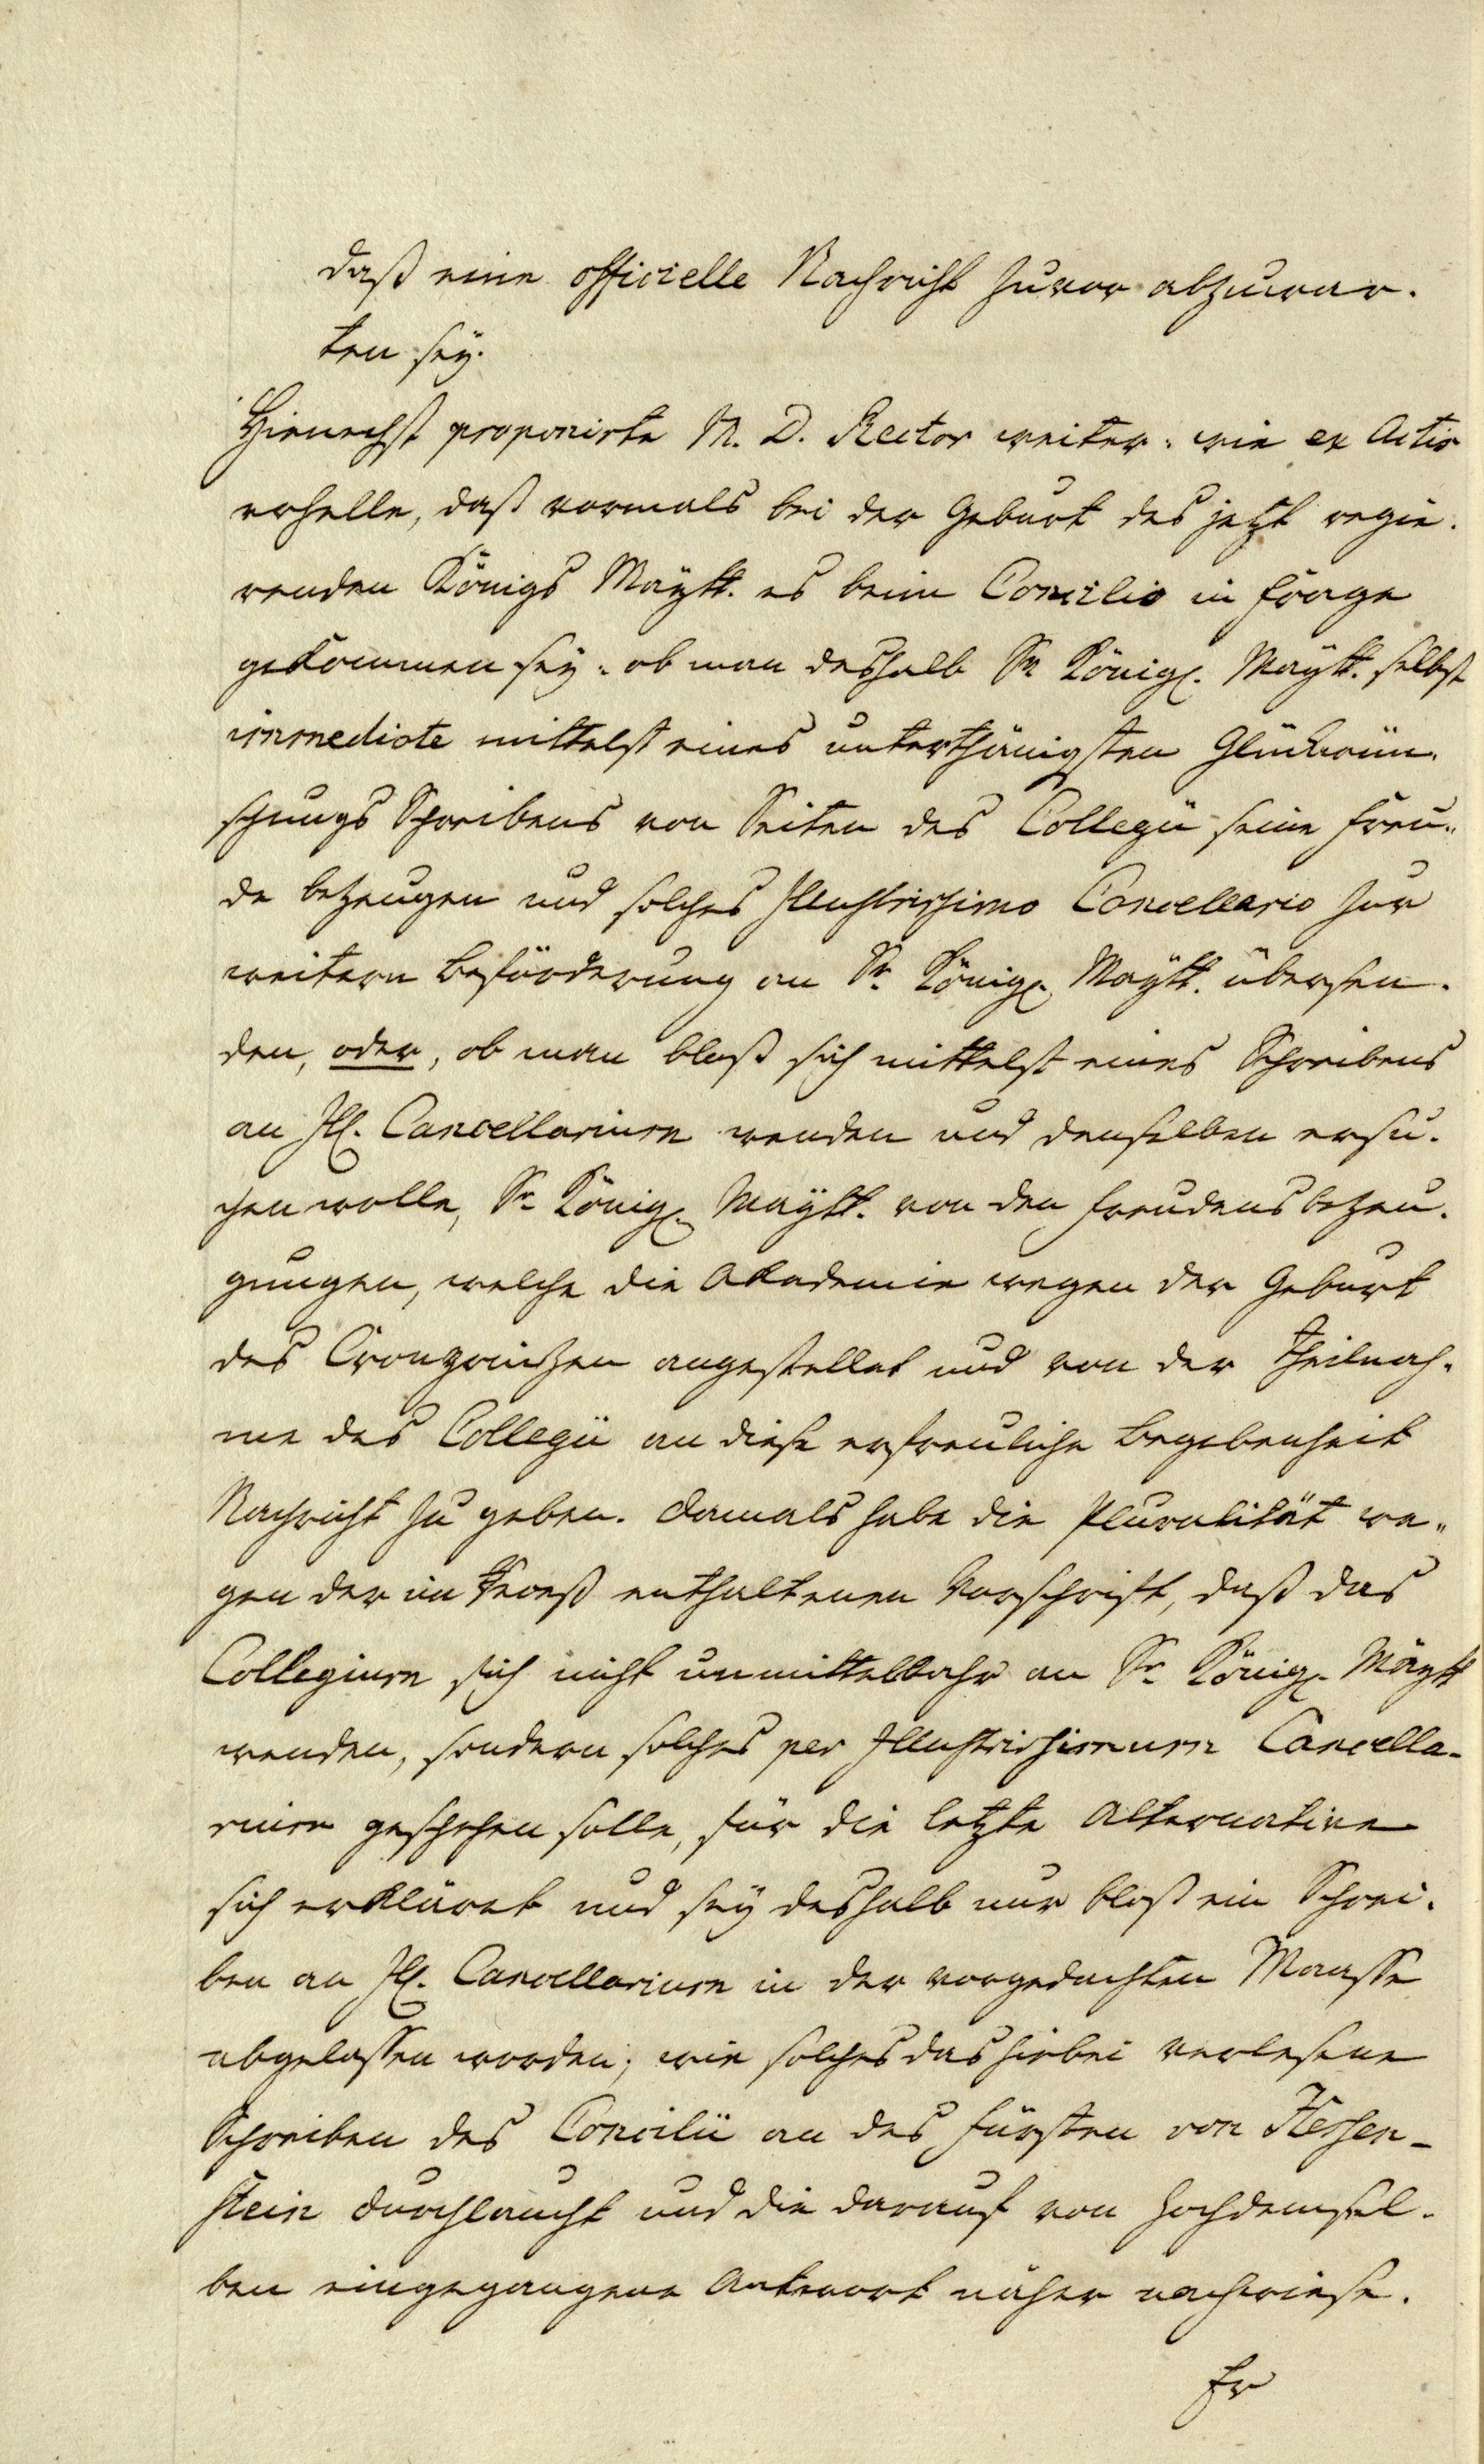daß eine otficelle Nachricht zuvor abzuwar¬
ten seÿ.
Hienechst proponirte M. D. Rector weiter: wie ex Actis
erhelle, daß vormals bei der Geburt des jetzt regie¬
renden Königs Maÿtt. es beim Concilio in Frage
gekommen seÿ: ob man deshalb Sr Königl. Maÿtt. selbst
immediate mittelst eines unterthänigsten Glückwün¬
schungs Schreibens von Seiten des Collegii seine Freu¬
de bezeugen und solches Illustrissimo Cancellario zur
weitern Beförderung an Sr. Königl. Maÿtt. übersen¬
den, oder, ob man bloß sich mittelst eines Schreibens
an Ill. Cancellarium wenden und denselben ersu¬
chen wolle, Sr Königl. Maÿtt. von den Freudens bezeu¬
gungen, welche die Akademie wegen der Geburt
des Cronprinzen angestellet und von der Theilnah¬
me des Collegii an diese erfreuliche Begebenheit
Nachricht zu geben. Damals habe die Pluralität we¬
gen der in Receß enthaltenen Vorschrift, daß das
Collegium sich nicht ummittelbahr an Sr Königl. Maÿtt.
wenden, sondern solches per Illustrissimum Cancella¬
rium geschehen solle, für die letzte Alternative
sich erkläret und seÿ deshalb nur bloß ein Schrei¬
ben an Ill. Cancellarium in der vorgedachten Maasse
abgelassen worden, wie solches das hiebei verlesene
Schreiben des Concilii an des Fürsten von Hessen¬
stein durchlaucht und die darauf von Hochdemsel¬
ben eingegangene Antwort näher nachewiese.
Er